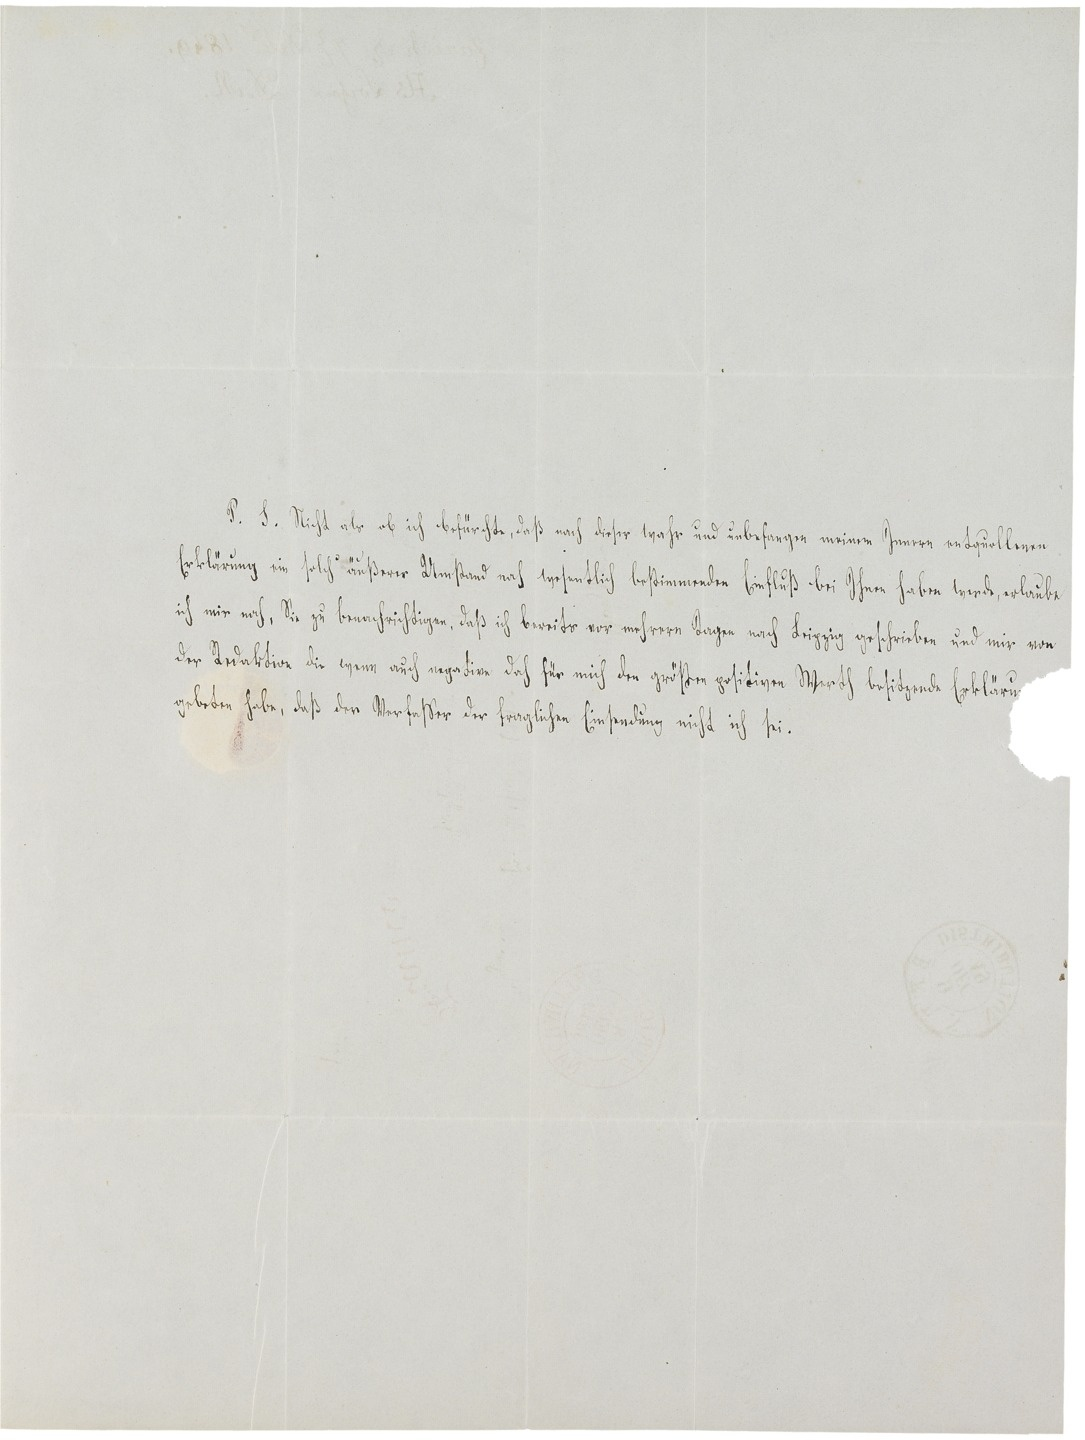P. S. Nicht als ob ich befürchte, daß nach dieser wahr und unbefangen meinem Innern entquollenen
Erklärung ein solch äußerer Umstand noch wesentlich bestimmenden Einfluß bei Ihnen haben werde, erlaube
ich mir noch, Sie zu benachrichtigen, daß ich bereits vor mehrern Tagen nach Leipzig geschrieben und mir von
der Redaktion die wenn auch negative doch für mich den grösten positiven Werth besitzende Erklärung
gebeten habe, daß der Verfasser der fraglichen Einsendung nicht ich sei.